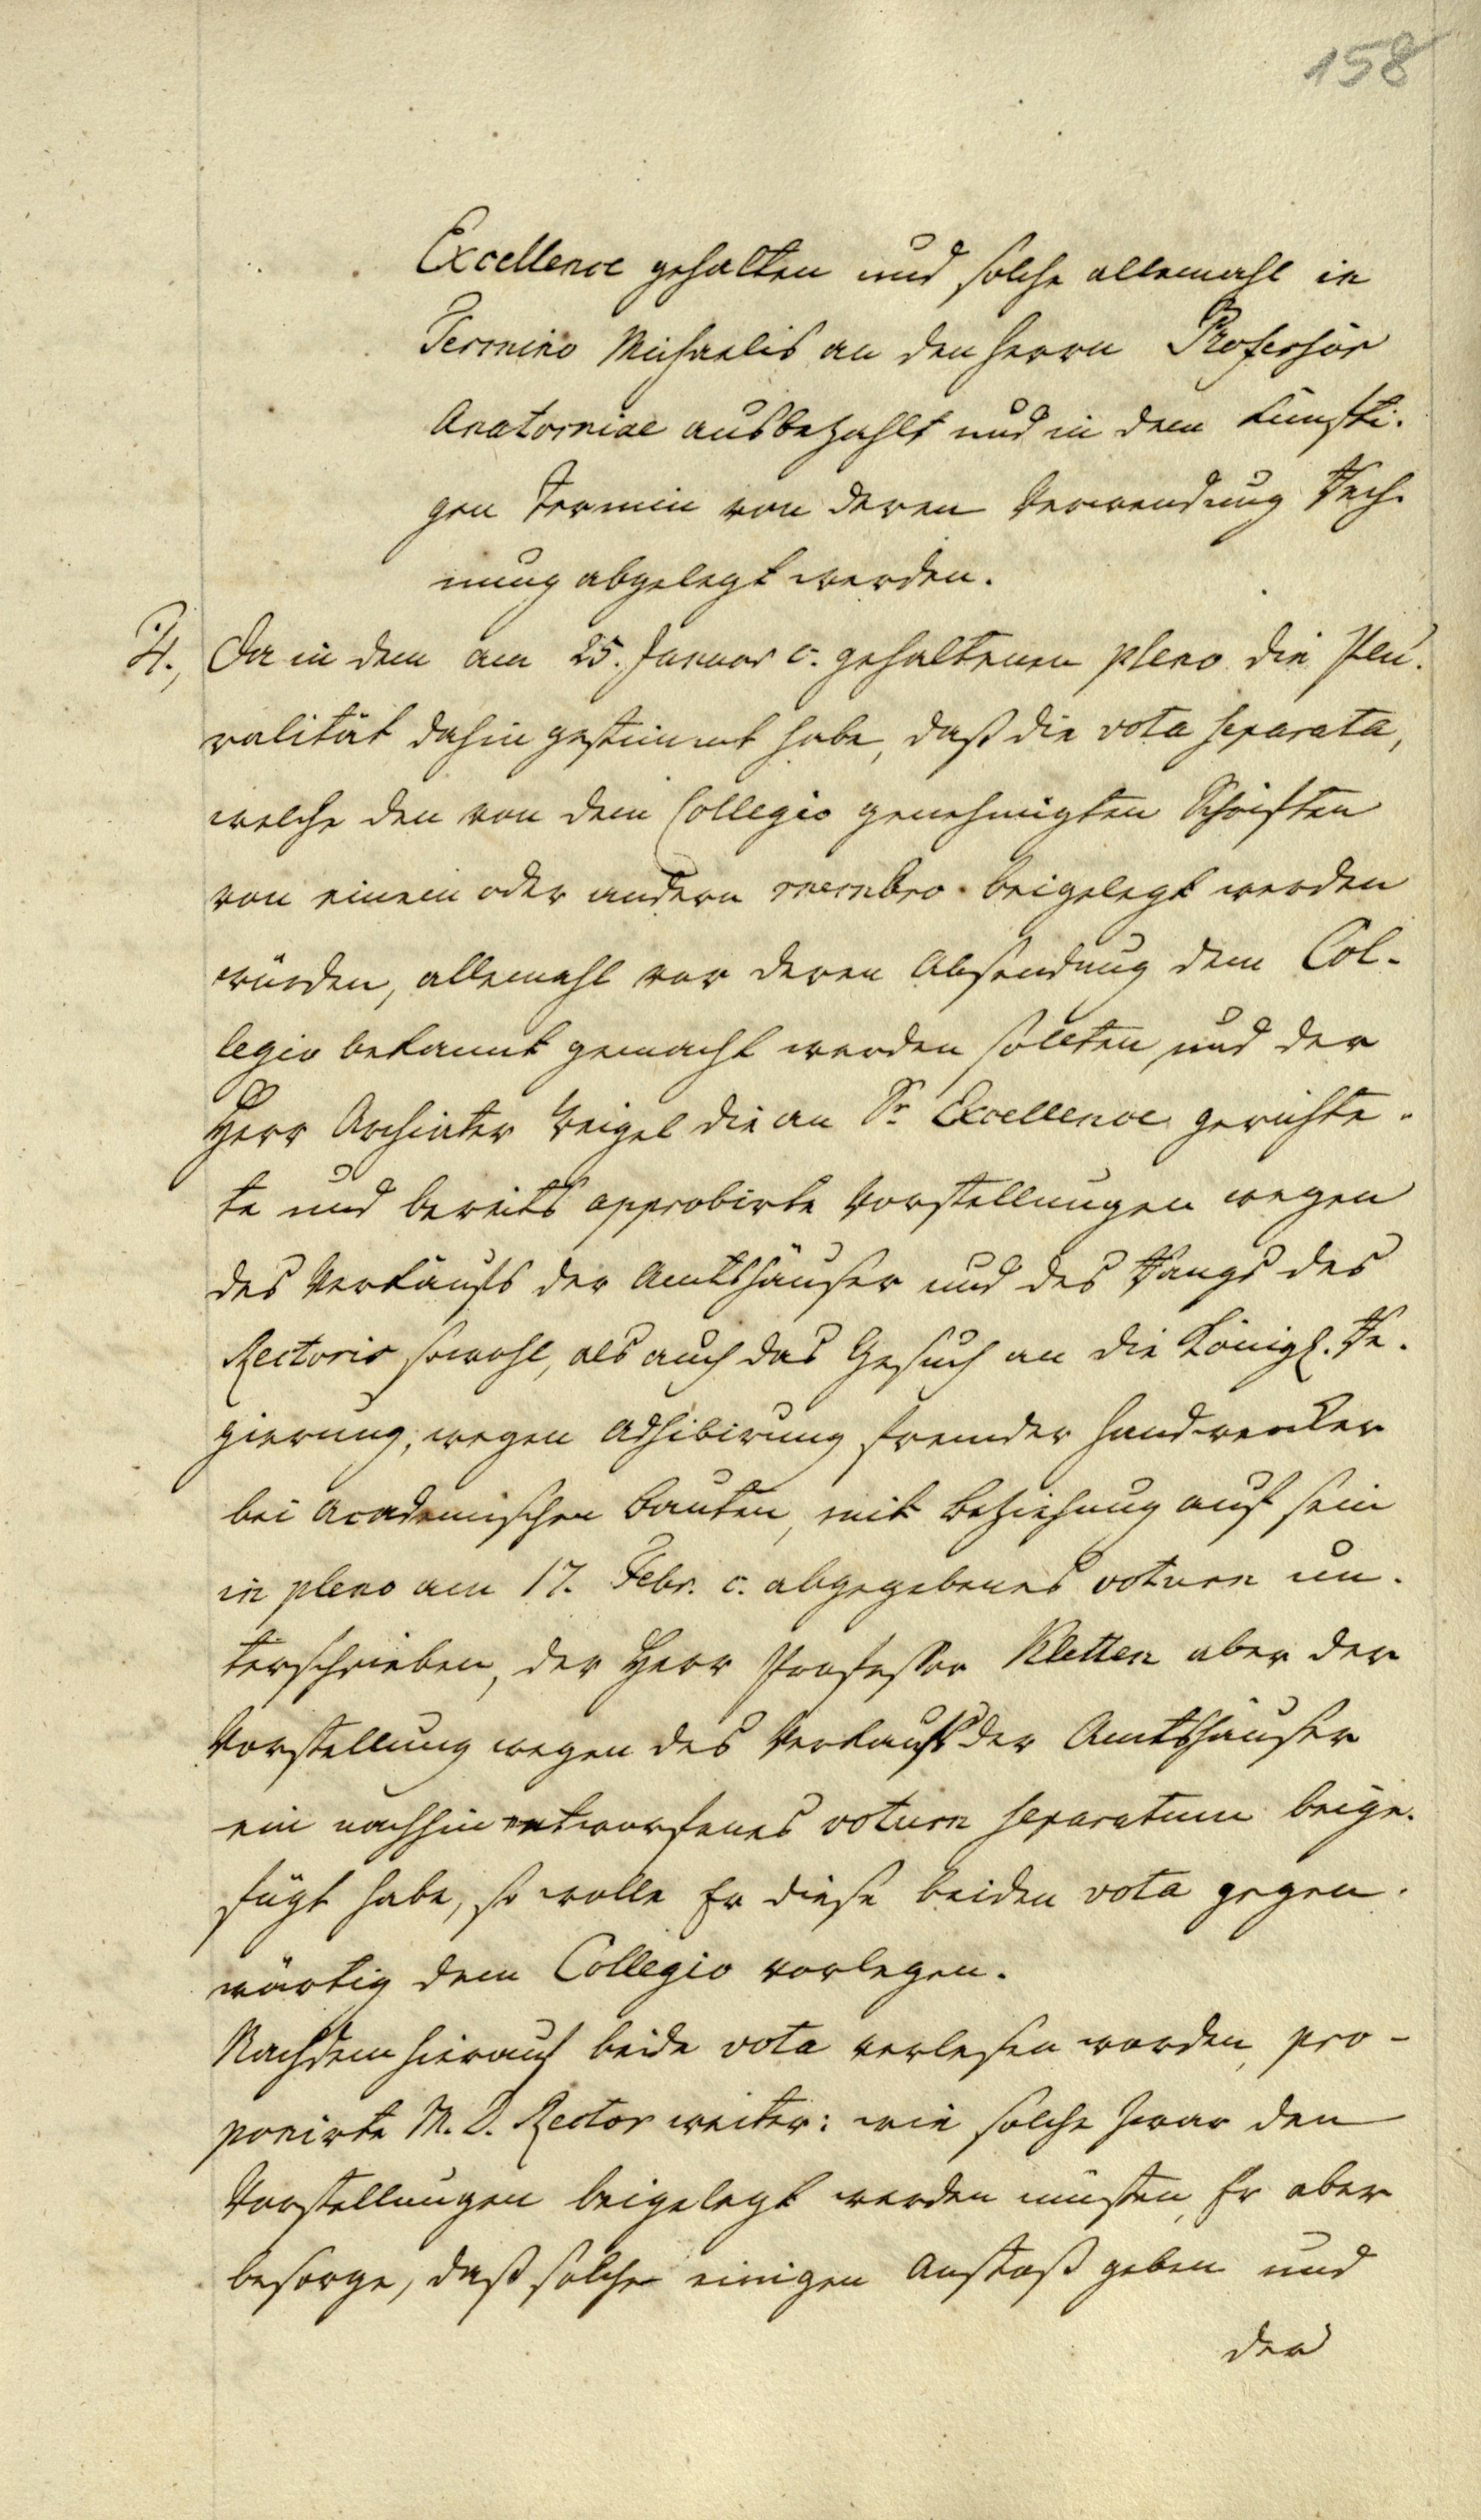Excellence gehalten und solche allemahl in
Termino Michaelis an den Herrn Professor
Anatomiae ausbezahlt und in dem künfti¬
gen Termin von deren Verwendung Rech¬
nung abgelegt werden.
4. Da in dem am 25. Januar c. gehaltenen pleno die Plu¬
ralität dahin gestimmt habe, daß die vota separata,
welche den von dem Collegio genehmigten Schriften
von einem oder andern membro beigelegt werden
würden, allemahl vor deren Absendung dem Col¬
legio bekannt gemacht werden sollten und der
Herr Archiater Weigel die an Sr Excellence gerichte¬
te und bereits approbirte Vorstellungen wegen
des Verkaufs der Amtshäuser und des Rangs des
Rectoris sowohl, als auch das Gesuch an die Königl. Re¬
gierung, wegen Adhibirung fremder Handwercker
bei academischen Bauten, mit Beziehung auf sein
in pleno am 17. Febr. c. abgegebenes votum un¬
terschrieben, der Herr Professor Kletten aber der
Vorstellung wegen des Verkaufs der Amtshäuser
ein nachhin entworfenes votum separatum beige¬
fügt habe, so wolle Er diese beiden vota gegen¬
wärtig dem Collegio vorlegen.
Nachdem hierauf beide vota verlesen worden, pro¬
ponirte M. D. Rector weiter: wie solche zwar den
Vorstellungen beigelegt werden müßten, Er aber
besorge, daß solche einigen Anstoß geben und
der